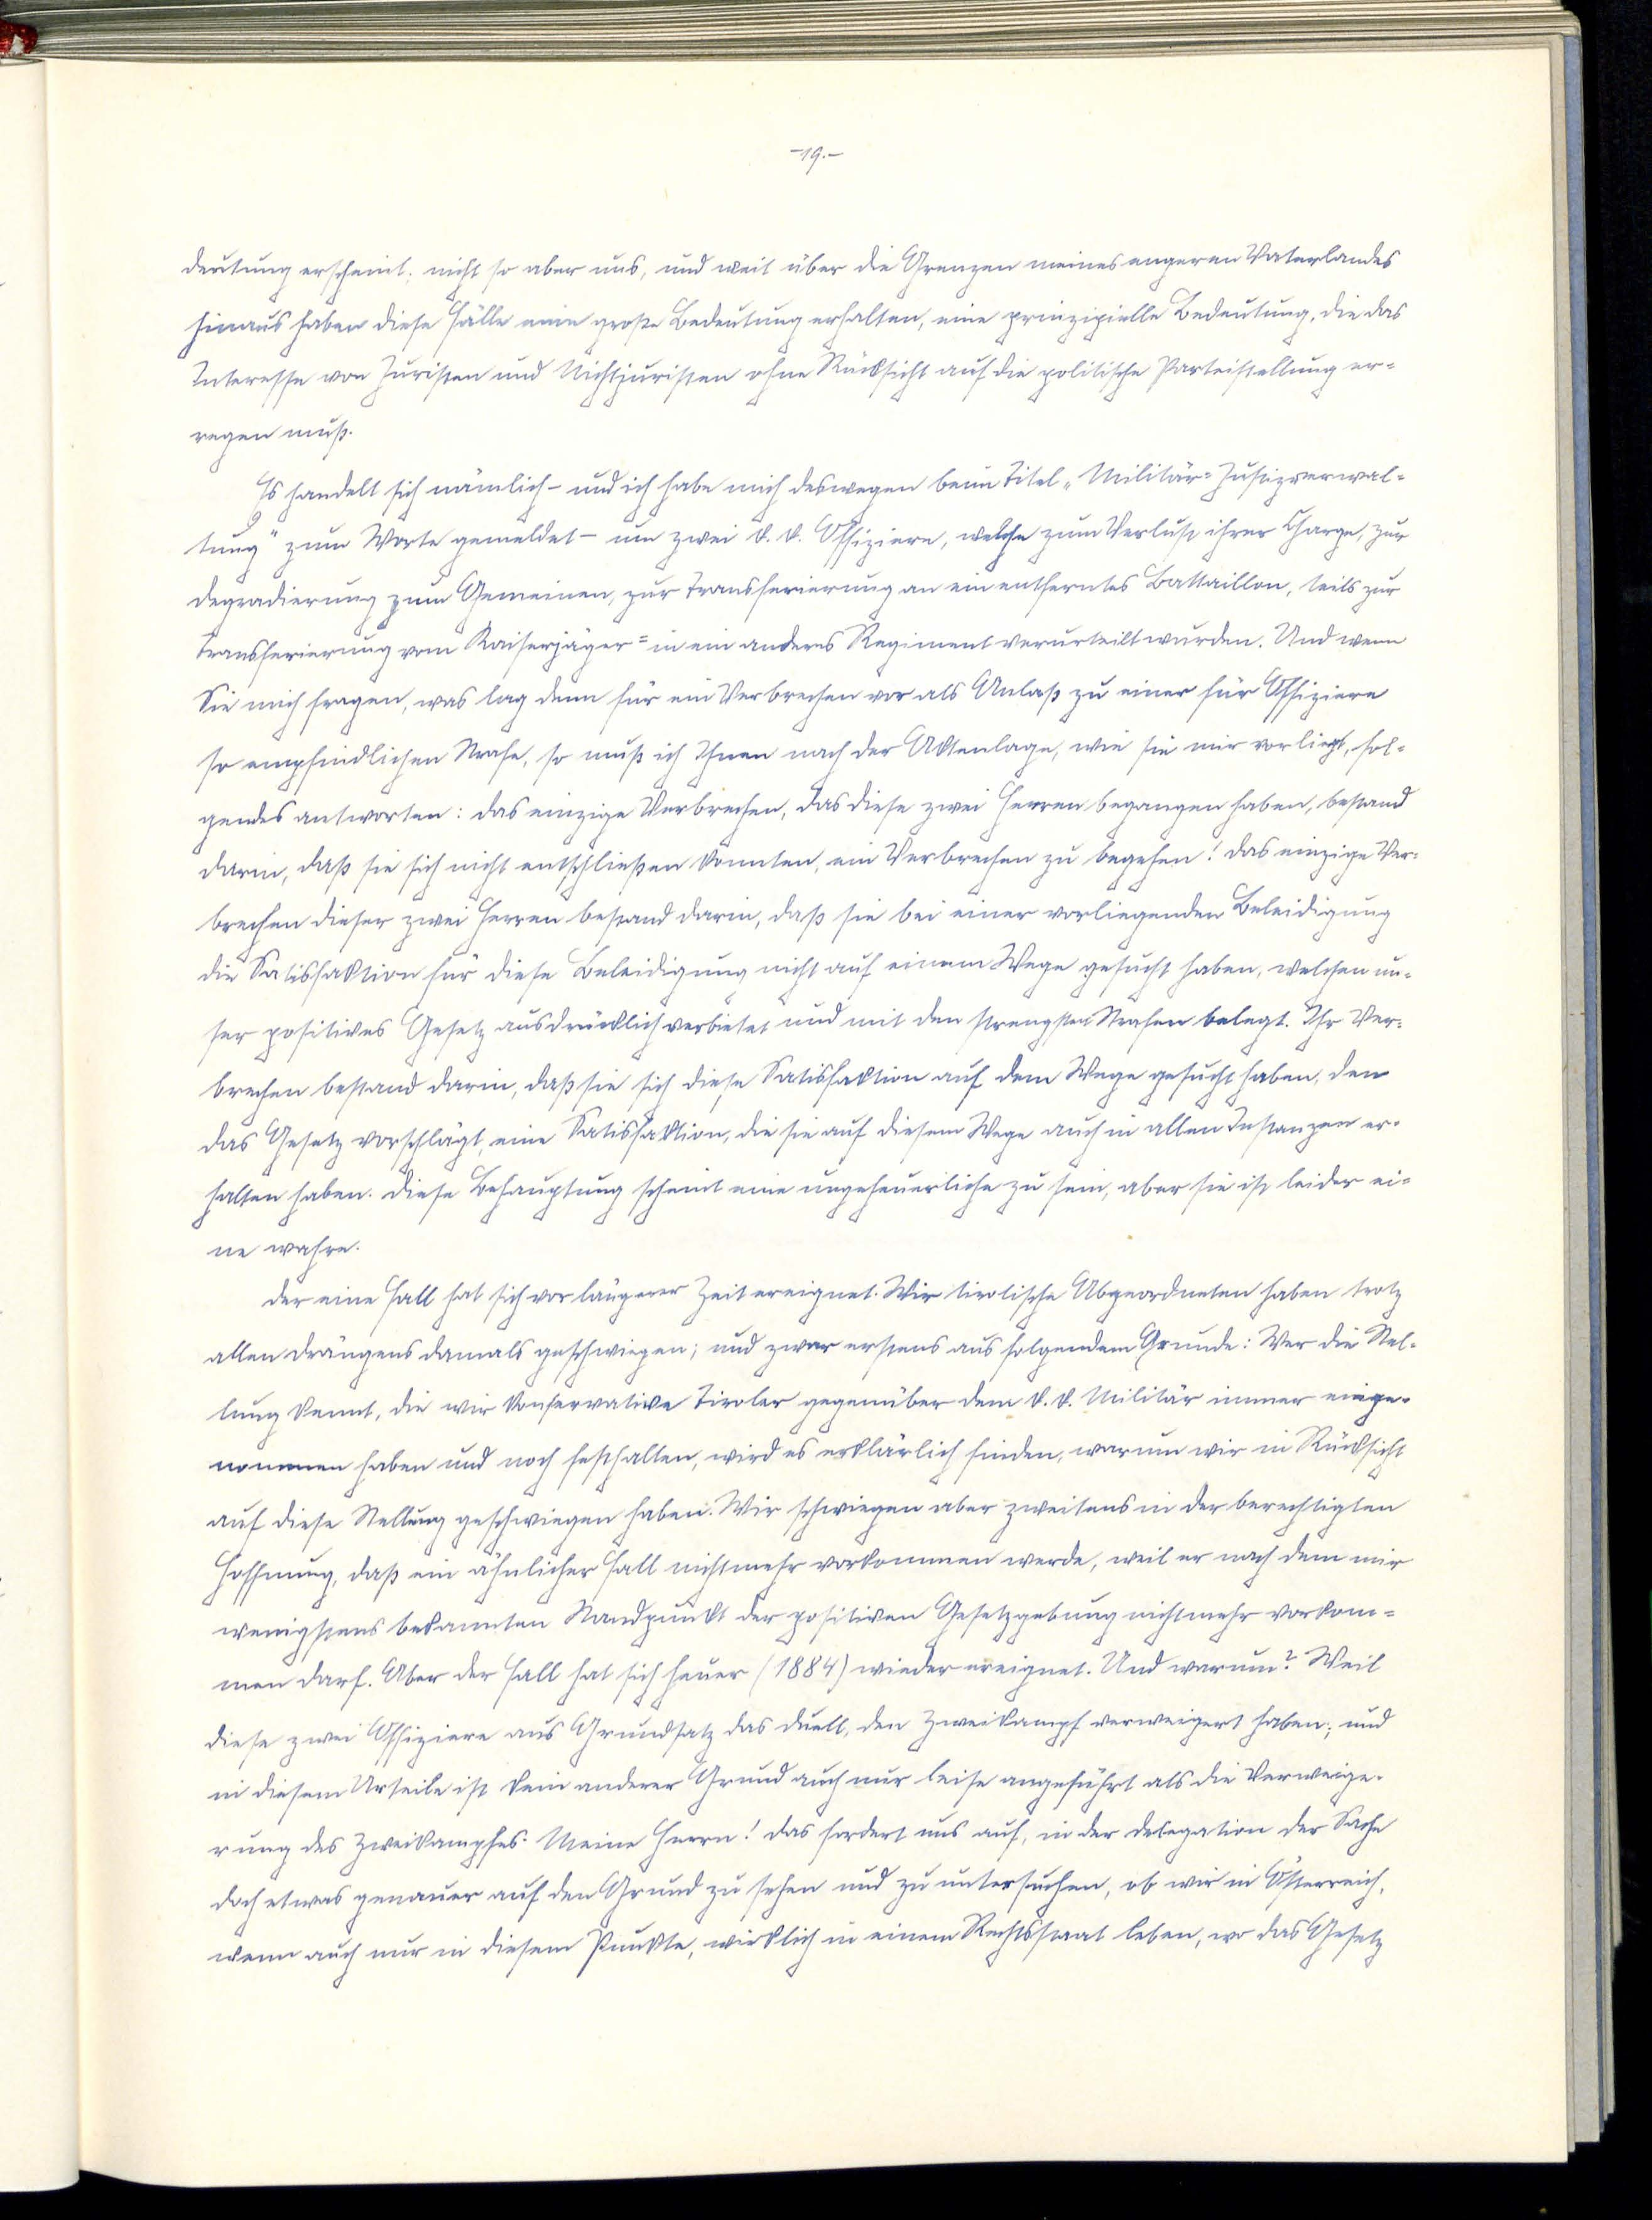19.
deutung erscheint, nicht so aber uns und weit über die Grenzen meines engeren Vaterlands
hinaus haben diese Fälle eine große Bedeutung erhalten, eine prinzipielle Bedeutung, die das
Interesse von Juristen und Nichtjuristen ohne Rücksicht auf die politische Parteistellung er-
regen muß.
Es handelt sich nämlich - und ich habe mich deswegen beim Titel "Militär - Justizverwal-
tung" zum Worte gemeldet- um zwei k. k. Offiziere, welche zum Verlust ihrer Charge, zur
degradierung zum Gemeinen, zur Transferierung an ein entferntes Battaillon, teils zur
Transferierung vom Kaiserjäger - in ein anderes Regiment verurteilt wurden. Und wenn
sie mich fragen, was lag dem für ein Verbrechen vor als Anlaß zu einer für Offiziere
so empfindlichen Strafe, so muß ich Ihnen nach der Aktenlage, wie sie mir vorliegt, fol
gendes antworten: Das einzige Verbrechen, das diese zwei Herren begangen haben, bestand
darin, daß sie sich nicht entschließen konnten, ein Verbrechen zu begehen! Das einzige Ver-
brechen dieser zwei Herren bestand darin, daß sie bei einer vorliegenden Beleidigung
die Satisfaktion für diese Beleidigung nicht auf einem Wege gesucht haben, welcher un-
ser politisches Gesetz ausdrücklich verbietet und mit den strengsten Strafen belegt. Ihr Ver-
brechen bestand darin, daß sie sich diese Satisfaktion auf dem Wege gesucht haben, den
das Gesetz vorschlägt, eine Satisfaktion, die sie auf diesem Wege auch in allen Instanzen er-
halten haben. Diese Behauptung scheint eine ungeheuerliche zu sein, aber sie ist leider ei-
ne wahre:
Der eine Fall hat sich vor längerer Zeit ereignet. Wir tirolische Abgeordneten haben trotz
allen Drängens damals geschwiegen; und zwar erstens aus folgendem Grund: Wer die Stel-
lung kennr, die wir konservativen Tiroler gegenüber dem k.k. Militär immer einge-
nommen haben und noch festhalten, wird es erklärlich finden, warum wir in Rücksicht
auf diese Stellung geschwiegen haben. Wir schwiegen aber zweitens in der berechtigten
Hoffnung, daß ein ähnlicher Fall nichtmehr vorkommen werde, weil er nach dem mir
wenigstens bekannten Standpunkt der politischen Gesetzgebung nichtmehr vorkom-
men darf. Aber der Fall hat sich heuer (1884) wieder ereignet. Und warum? Weil
diese zwei Offiziere als Grundsatz das Duell, den Zweikampf verweigert haben; und
in diesem Urteile ist kein anderer Grund auch nur leise angeführt als die Verweige-
rung des Zweikampfes. Meine Herren! Das fordert uns auf, in der Delegation der Sache
doch etwas genauer auf den Grund zu gehen und zu untersuchen, ob wir in Österreich,
wenn auch nur in diesem Punkte, wirklich in einem Rechtsstaat leben, wo das Gesetz